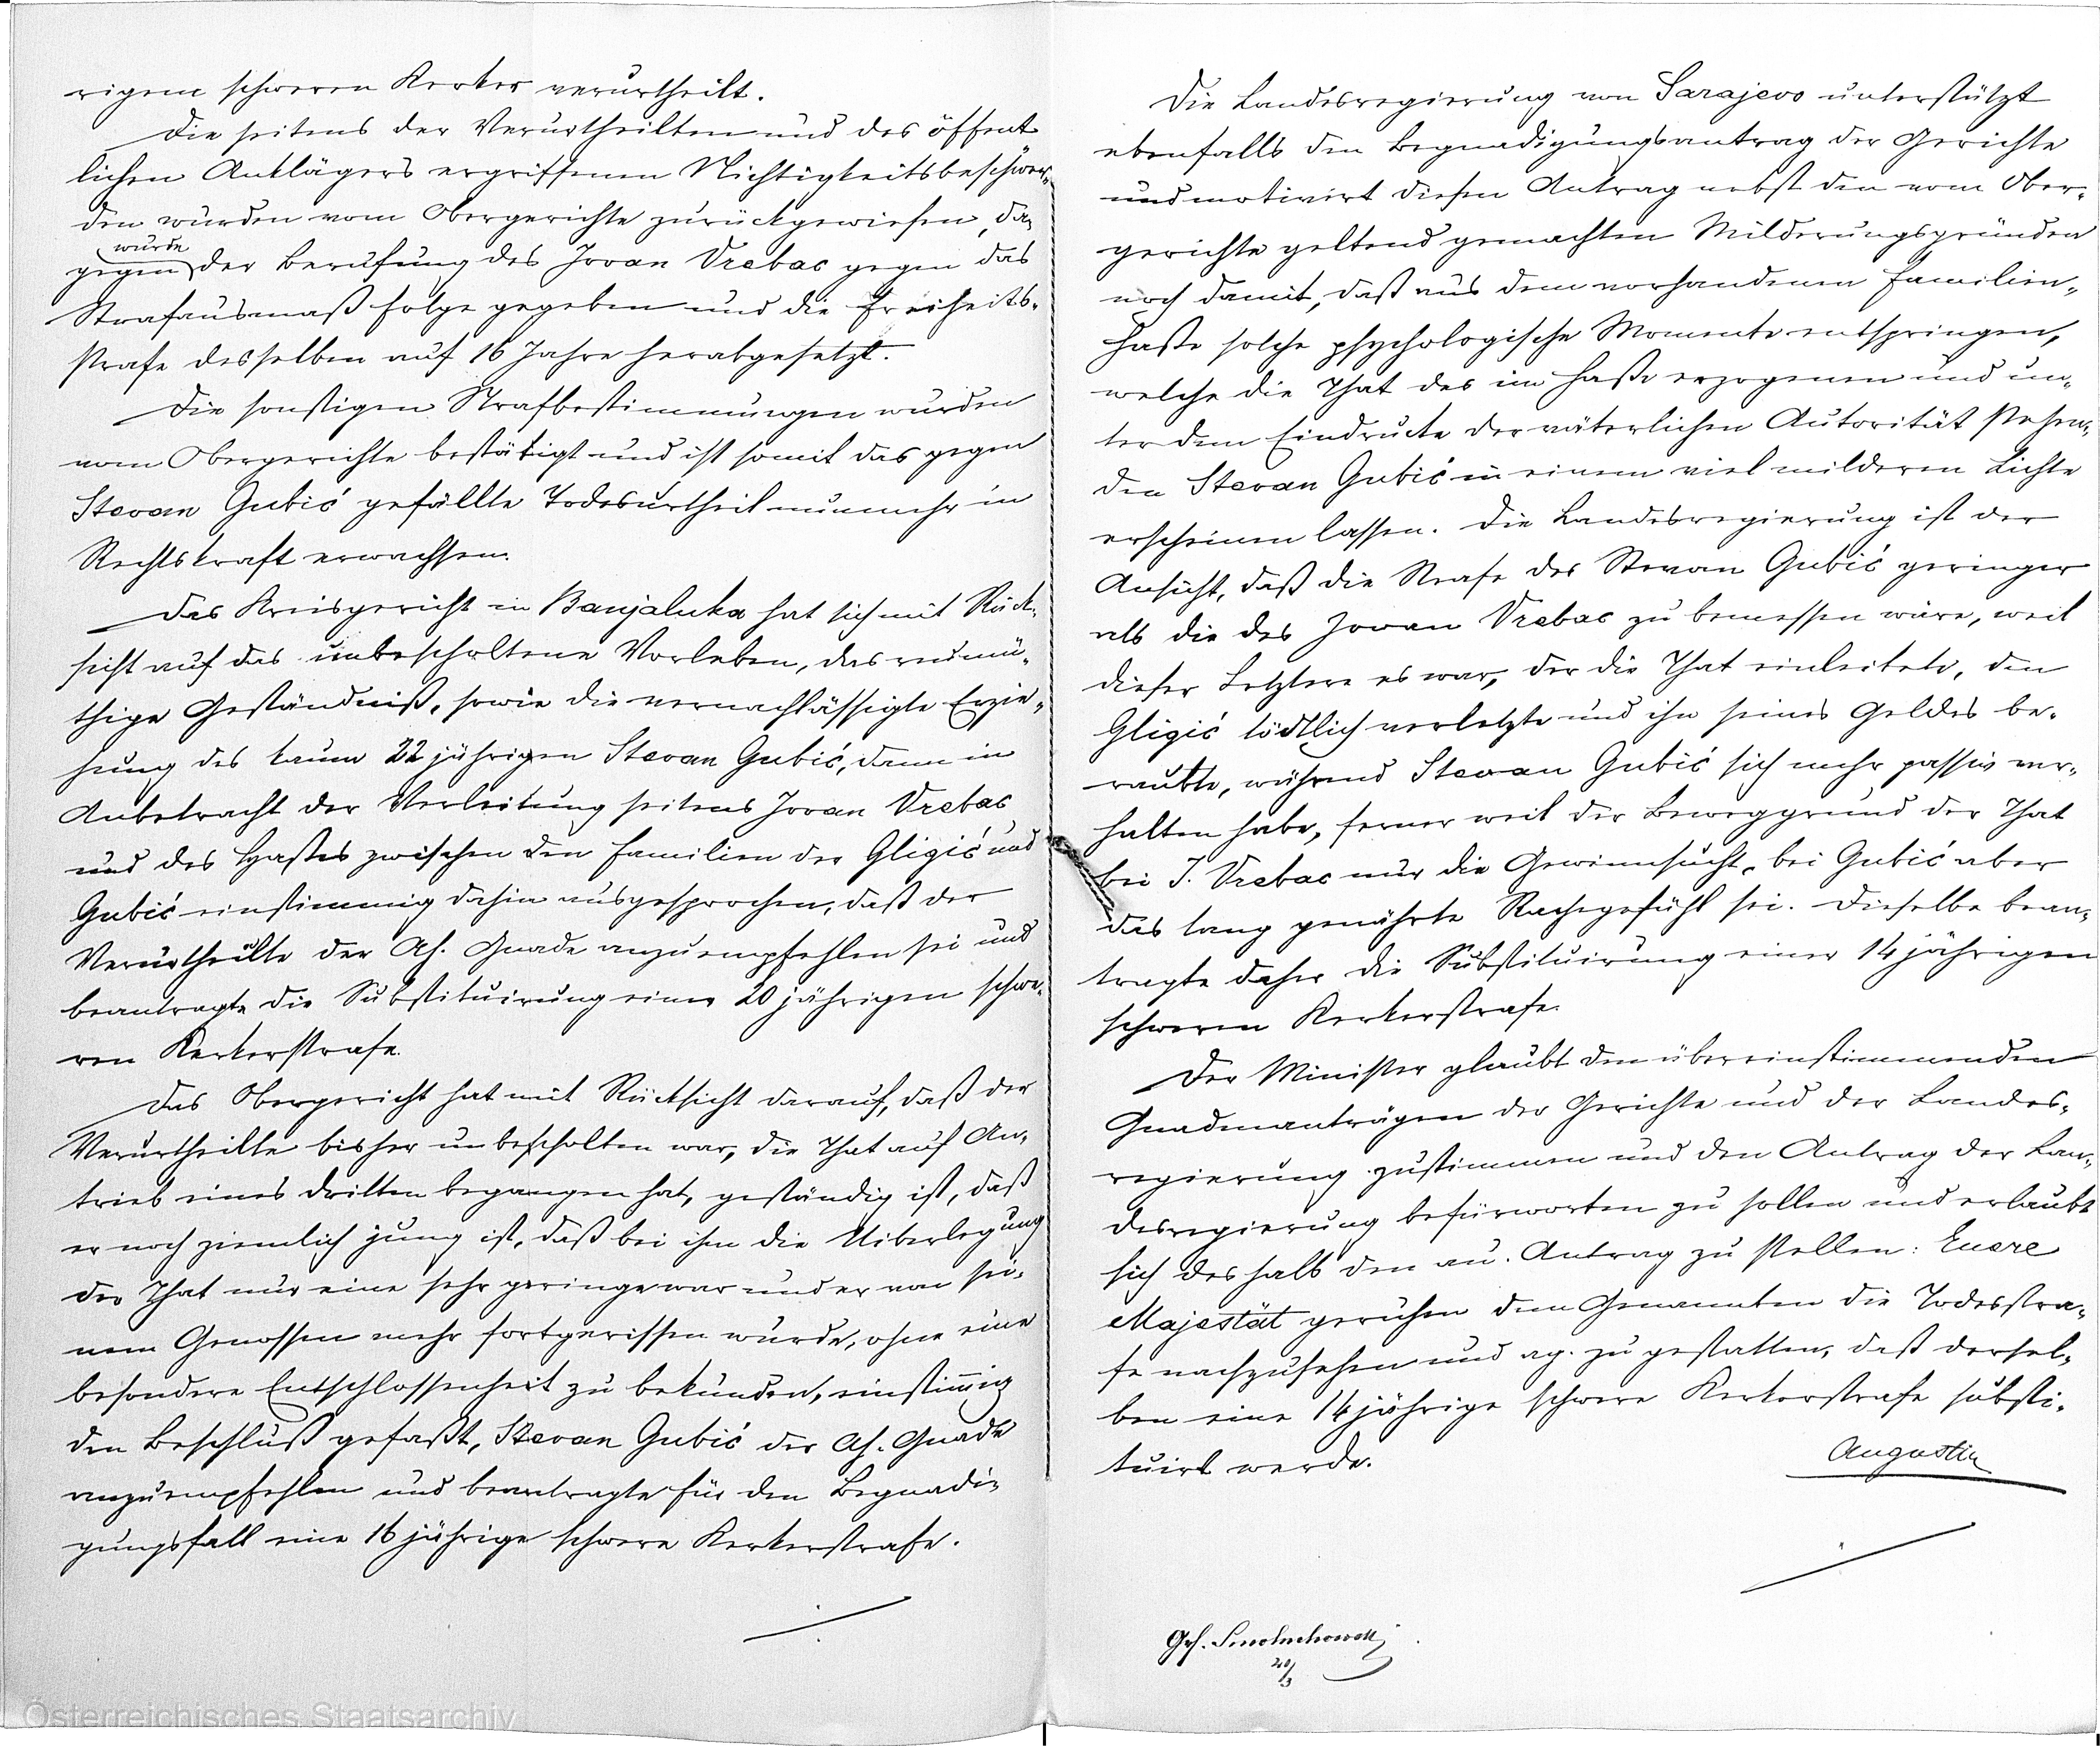rigem schweren Kerker verurtheilt.
Die seitens der Verurtheilten und des öffent¬
lichen Anklägers ergriffenen Nichtigkeitsbeschwer¬
den wurden vom Obergerichte zurückgewiesen, da¬
wurde
gegen der Berufung des Jovan Vrebac gegen das
Strafausenaß folge gegeben und die Freiheits¬
strafe desselben auf 16 Jahre herabgesetzt.
Die sonstigen Strafbestimmungen wurden
vom Obergerichte bestätigt und ist somit das gegen
Stevan Gubić gefällte Todesurtheil nunmehr in
Rechtskraft erwachsen.
Das Kreisgericht in Banjaluka hat sich mit Rück¬
sicht auf das unbescholtene Vorleben, das reumü¬
thige Geständniß, sowie die vernachlässigte Erzie¬
hung des kaum 22jährigen Stevan Gubić, dann in
Anbetracht der Verleitung seitens Jovan Vrebac
und des Haßes zwischen den Familien der Gligić und
Gubić einstimmig dahin ausgesprochen, daß der
Verurtheilte der Ah. Gnade anzuempfehlen sei und
beantragte die Substituirung einer 20jährigen schwe¬
ren Kerkerstrafe.
Das Obergericht hat mit Rücksicht darauf, daß der
Verurtheilte bisher unbescholten war, die That auf An¬
trieb eines dritten begangen hat, geständig ist, daß
er noch ziemlich jung ist, daß bei ihm die Ueberlegung
der That nur eine sehr geringe war und er von sei¬
nem Genossen mehr fortgerissen wurde, ohne eine
besondere Entschlossenheit zu bekunden, einstimmig
den Beschluß gefaßt, Stevan Gubić der Ah. Gnade
anzuempfehlen und beantragte für den begnadi¬
gungsfall eine 16 jährige schwere Kerkerstrafe.
Die Landesregierung von Sarajevo unterstützt
ebenfalls den begnadigungsantrag der Gerichte
und motivirt diesen Antrag nebst den vom Ober¬
gerichte geltend gemachten Milderungsgründen
noch damit, daß aus dem vorhandenen Familien¬
haße solche psychologische Momente entspringen,
welche die That das im haße erzogenen und un¬
ter dem Eindrucke der väterlichen Autorität stehen,
den Stevan Gubić in einem viel milderen Lichte
erscheinen lassen. Die Landesregierung ist der
Ansicht, daß die Strafe des Stevan Gubić geringer
als die des Jovan Vrebac zu bemessen wäre, weil
dieser Letztere es war, der die That einleitete, den
Gligić tödtlich verletzte und ihn seines Geldes be¬
raubte, während Stevan Gubić sich mehr passiv ver¬
halten habe, ferner weil der Beweggrund der That
bei J. Vrebac nur die Gewinnsucht, bei Gubić aber
das lang genährte Rachegefühl sei. Dieselbe bean¬
tragte daher die Substituirung einer 14jährigen
schweren Kerkerstrafe.
Der Minister glaubt den übereinstimmenden
Gnadenanträgen der Gerichte und der Landes¬
regierung zustimmen und den Antrag der Lan¬
desregierung befürworten zu holten und erlaubt
sich des hals den au. Antrag zu stellen: Euere
Majestät geruhen den Genannten die Todesstra¬
fe nachzusehen und ag. zu gestatten, daß dersel¬
ben eine 14jährige schwere Kerkerstrafe substi¬
tuirt werde.
Augustin
Ges. Smolxx
20/3